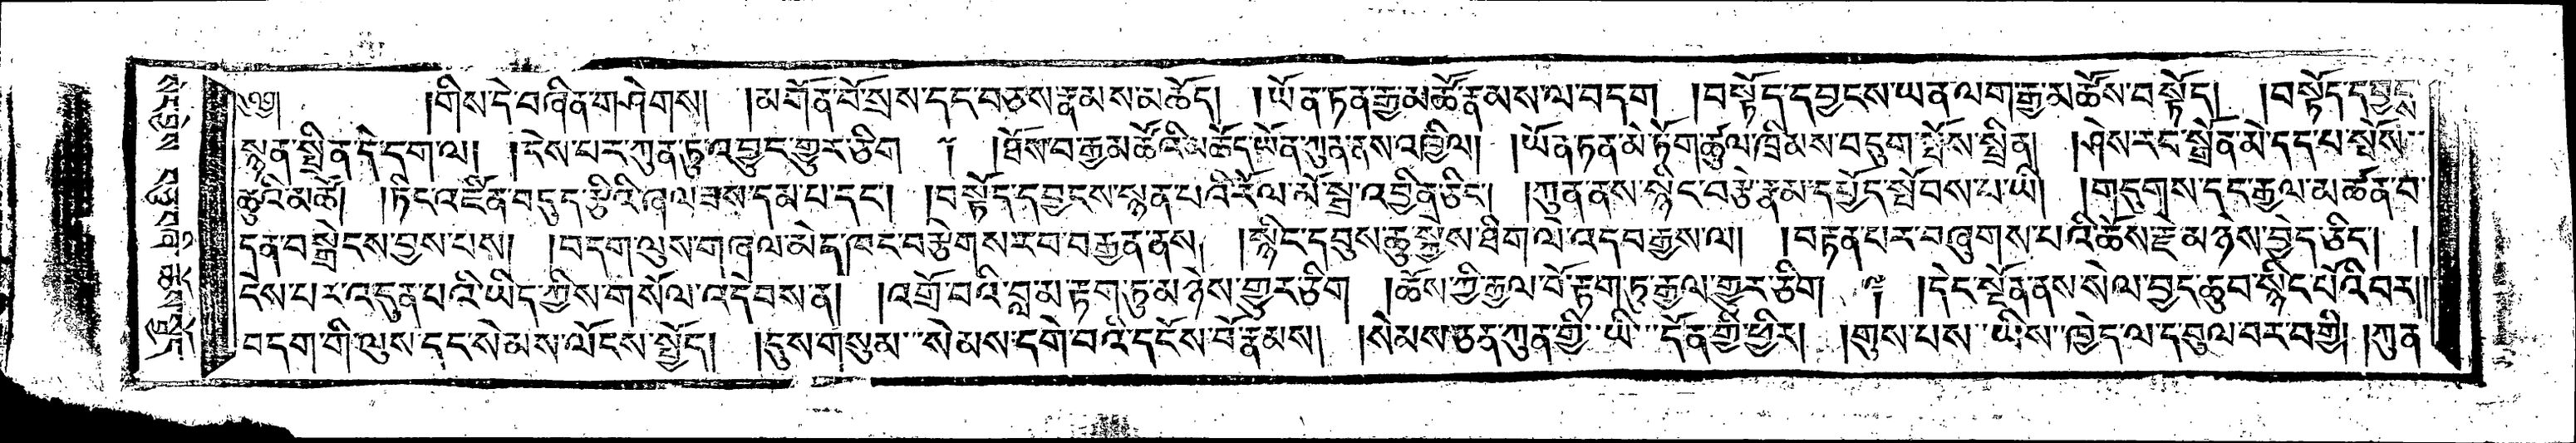༄༅། །གིས་དེ་བཞིན་གཤེགས། །མགོན་པོ་སྲས་དང་བཅས་རྣམས་མཆོད། །ཡོན་ཏན་རྒྱ་མཚོ་རྣམས་ལ་བདག །བསྟོད་དབྱངས་ཡན་ལག་རྒྱ་མཚོས་བསྟོད། །བསྟོད་དབྱངས་
སྙན་སྤྲིན་དེ་དག་ལ། །ངེས་པར་ཀུན་ཏུ་འབྱུང་གྱུར་ཅིག ༈ །ཐོས་བ་རྒྱ་མཚོའི་མཆོད་ཡོན་ཀུན་ནས་འཁྱིལ། །ཡོན་ཏན་མེ་ཏོག་ཚུལ་ཁྲིམས་བདུག་སྤོས་སྤྲིན། །ཤེས་རབ་སྒྲོན་མེ་དད་པ་སྤོས་
ཆུའི་མཚོ། །ཏིང་འཛིན་བདུད་རྩིའི་ཞལ་ཟས་དམ་པ་དང་། །བསྟོད་དབྱངས་སྙན་པའི་རོལ་མོ་སྒྲ་འབྱིན་ཅིང་། །ཀུན་ནས་སྙིང་བརྩེ་རྣམ་དཔྱོད་སྤོབས་པ་ཡི། །གདུགས་དང་རྒྱལ་མཚན་བ་
དན་བསྒྲེངས་བྱས་པས། །བདག་ལུས་གཞལ་མེད་ཁང་བརྩེགས་རབ་བརྒྱན་ནས། །སྙིང་དབུས་ཆུ་སྐྱེས་ཐིག་ལེ་འདབ་རྒྱས་ལ། །བརྟན་པར་བཞུགས་པའི་ཆོས་རྗེ་མཉེས་བྱེད་ཅིང་། །
ངེས་པར་འདུན་པའི་ཡིད་ཀྱིས་གསོལ་འདེབས་ན། །འགྲོ་བའི་བླ་མ་རྟག་ཏུ་མཉེས་གྱུར་ཅིག །ཆོས་ཀྱི་རྒྱལ་བོ་རྟག་ཏུ་རྒྱལ་གྱུར་ཅིག ༈ །དེང་སྔོན་ནས་སེལ་བྱང་ཆུབ་སྙིང་པོའི་བར། །
བདག་གི་ལུས་དང་སེམས་ལོངས་སྤྱོད། །དུས་གསུམ་སེམས་དགེ་བའི་དངོས་བོ་རྣམས། །སེམས་ཅན་ཀུན་གྱི་ཡི་དོན་གྱི་ཕྱིར། །གུས་པས་ཡིས་ཁྱེད་ལ་དབུལ་བར་བགྱི། །ཀུན་